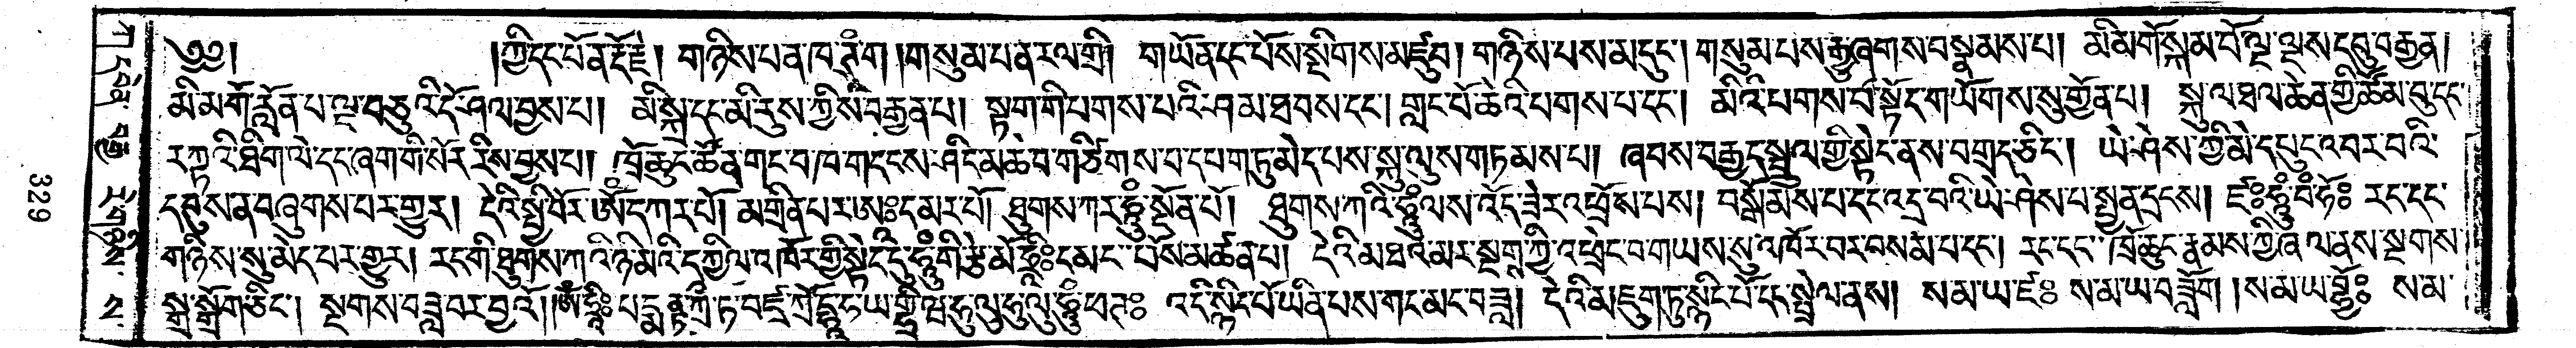༄༅། །ཀྱི་དང་པོ་ན་རྡོ་རྗེ། གཉིས་པ་ན་ཁ་ཊཱཾ་ག །གསུམ་པ་ན་རལ་གྲི། གཡོན་དང་པོས་སྡིགས་མཛུབ། གཉིས་པས་མདུང་། གསུམ་པས་རྒྱུ་ཞགས་བསྣམས་པ། མི་མགོ་སྐམ་པོ་ལྔ་ལྡས་དབུ་བརྒྱན།
མི་མགོ་རློན་པ་ལྔ་བཅུའི་དོ་ཤལ་བྱས་པ། མི་སྐྲ་དང་མི་རུས་ཀྱིས་བརྒྱན་པ། སྟག་གི་པགས་པའི་ཤམ་ཐབས་དང་། གླང་པོ་ཆེའི་པགས་པ་དང་། མིའི་པགས་པོ་སྟོད་གཡོགས་སུ་གྱོན་པ། སྐུ་ལ་ཐལ་ཆེན་གྱི་ཚོམ་བུ་དང་
རཀྟའི་ཐིག་ལེ་དང་ཞག་གི་སོར་རིས་བྱས་པ། ཁྲོ་ཆུང་ཚོན་གང་བ་ཁ་གངས་ཤིང་མཆེ་བ་གཙིགས་པ་དཔག་ཏུ་མེད་པས་སྐུ་ལུས་གཏམས་པ། ཞབས་བརྒྱད་སྦྲུལ་གྱི་སྟེང་ནས་བགྲད་ཅིང་། ཡེ་ཤེས་ཀྱི་མེ་དཔུང་འབར་བའི་
དབུས་ན་བཞུགས་པར་གྱུར། དེའི་སྤྱི་བོར་ཨོཾ་དཀར་པོ། མགྲིན་པར་ཨཱཿ དམར་པོ། ཐུགས་ཀར་ཧཱུཾ་སྔོན་པོ། ཐུགས་ཀའི་ཧཱུཾ་ལས་འོད་ཟེར་འཕྲོས་པས། བསྒོམས་པ་དང་འདྲ་བའི་ཡེ་ཤེས་པ་སྤྱན་དྲངས། ཛཿ ཧཱུཾ་བཾ་ཧོཿ རང་དང་
གཉིས་སུ་མེད་པར་གྱུར། རང་གི་ཐུགས་ཀའི་ཉི་མའི་དཀྱིལ་འཁོར་གྱི་སྟེང་དུ་ཧཱུཾ་གི་རྩེ་མོ་ཧྲཱིཿ དམར་པོས་མཚན་པ། དེའི་མཐའ་མར་སྔགས་ཀྱི་འཕྲེང་བ་གཡས་སུ་འཁོར་བར་བསམ་པ་དང་། རང་དང་ཁྲོ་ཆུང་རྣམས་ཀྱི་ཞལ་ནས་སྔགས་
སྒྲ་སྒྲོག་ཅིང་། སྔགས་བཟླ་བར་བྱའོ། །ཨོཾ་ཧྲཱིཿ པདམནྟ་ཀྲྀ་ཏ་བཛྲ་ཀྲོ་དྷཱ་ཧ་ཡ་གྷྲི་ཝ་ཧུ་ལུ་ཧུ་ལུ་ཧཱུཾ་ཕཊཿ འདི་སྙིང་པོ་ཡིན་པས་གང་མང་བཟླ། དེའི་མཇུག་ཏུ་སྙིང་པོ་དང་སྤྲེལ་ནས། ས་མ་ཡ་ཛཿ ས་མ་ཡ་བཟློག །ས་མ་ཡ་བྷྱོཿ ས་མ་